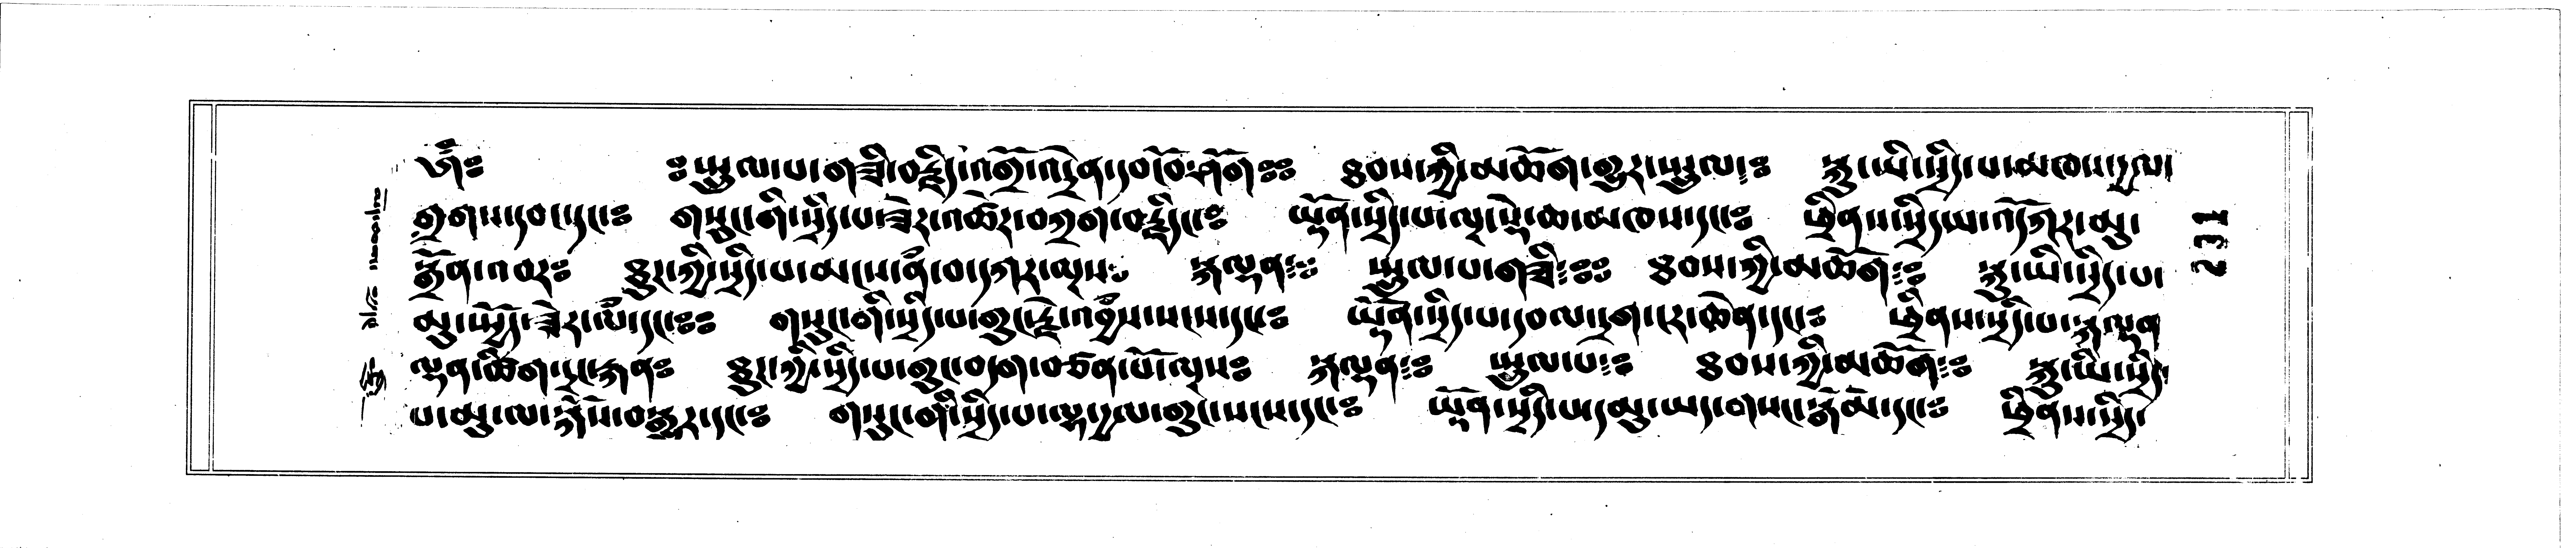སྤྲུལ་པ་གཟི་བརྗིད་འགྲོ་འདྲེན་དབང་ཐོབ་ཤོགཿ ཐབས་ཀྱི་མཆོག་གྱུར་སྤྲུལ་པ་ལས་སྲིད་པའིཿ སྐུ་ཡི་སྲིད་པ་མཁའ་རྒྱལ་
དྲག་དབང་དངཿ གསུང་གི་སྲིད་པ་ཟེར་འཚེར་བཀྲག་བརྗིད་དངཿ ཡོན་ཏན་སྲིད་པ་ལྔ་བདེའི་ཆ་མཁས་དངཿ ཕྲིན་ལས་སྲིད་པ་འོད་དཀར་མུན་
སྒྲོན་འབར་དངཿ ཐུགས་ཀྱི་སྲིད་པ་མོང་ནམ་བ་དཀར་ལྔསཿ སྐལ་ལྡན་སློབ་མ་རྣམས་ལ་དབང་བསྐུར་བསཿ སྤྲུལ་པ་གཟི་བརྗིད་འགྲོ་འདྲེན་དབང་ཐོབ་ཤོགཿ ཐབས་ཀྱི་མཆོག་གྱུར་སྤྲུལ་པ་ལས་སྲིད་པའིཿ སྐུ་ཡི་སྲིད་པ་
མུ་སྤྱོད་ཟེར་ལམ་དངཿ གསུང་གི་སྲིད་པ་གུང་རྗེ་འབྱམས་སངས་དངཿ ཡོན་ཏན་གྱི་སྲིད་པ་དབལ་དྲག་ངར་ཆེན་དངཿ ཕྲིན་ལས་སྲིད་པ་སྐལ་
ལྡན་ཚིག་དྲང་རྐན་དངཿ ཐུགས་ཀྱི་སྲིད་པ་གུང་བདག་བཙན་པོ་ལྔསཿ སྐལ་ལྡན་སློབ་མ་རྣམས་ལ་དབང་བསྐུར་བསཿ སྤྲུལ་པ་གཟི་བརྗིད་འགྲོ་འདྲེན་དབང་ཐོབ་ཤོགཿ ཐབས་ཀྱི་མཆོག་གྱུར་སྤྲུལ་པ་ལས་སྲིད་པའིཿ སྐུ་ཡི་སྲིད་
པ་མུ་ལ་སྐོས་སྒྱུར་དངཿ གསུང་གི་སྲིད་པ་ལྷ་རྒྱལ་གུང་སངས་དངཿ ཡོན་ཏན་སྲིད་པ་དམུ་ཡས་གསང་སྒོམ་དངཿ ཕྲིན་ལས་སྲིད་